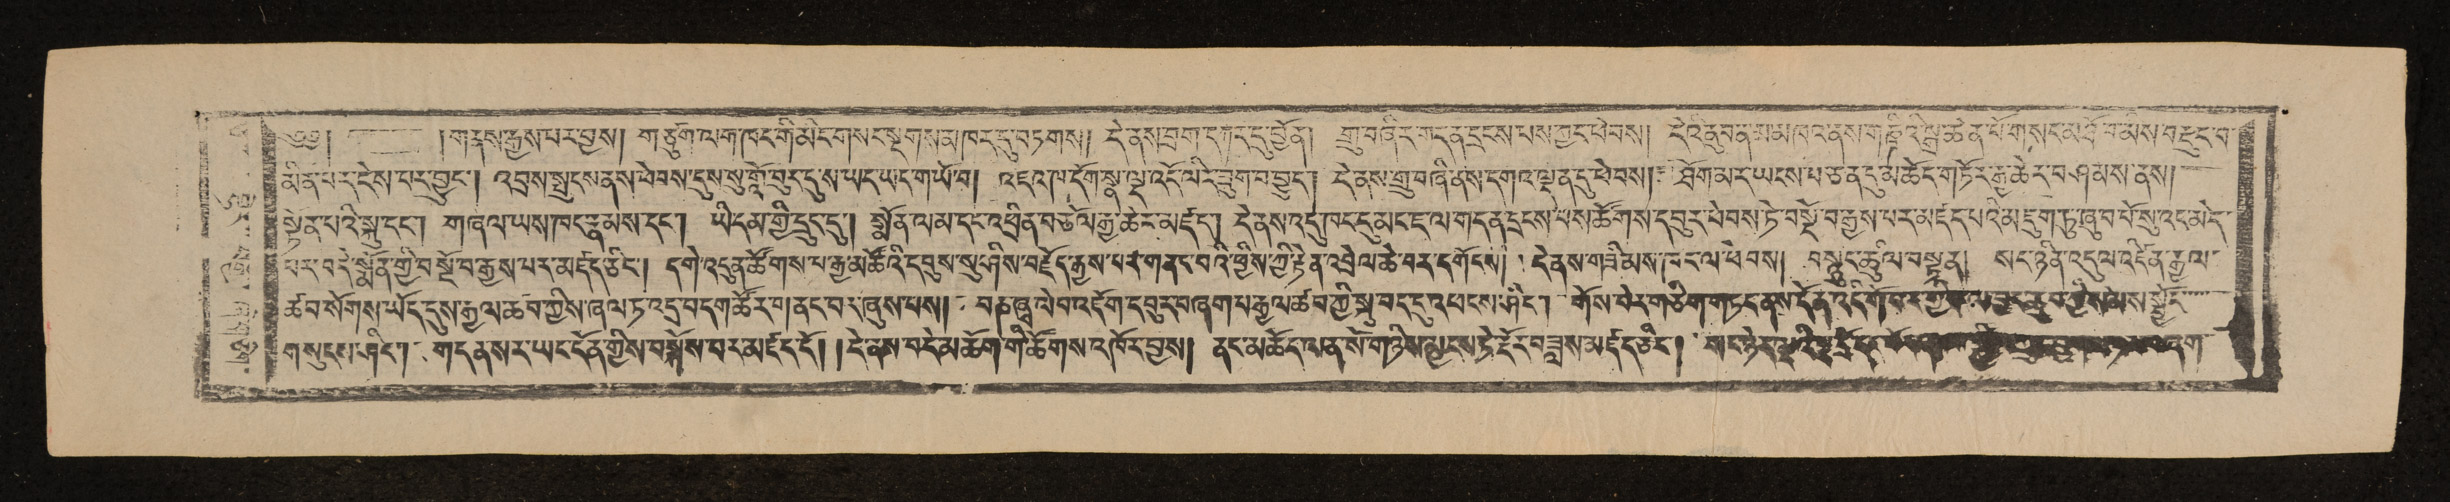༄༅། །གནས་རྒྱས་པར་བྱས། གཙུག་ལག་ཁང་གི་མིང་གསང་སྔགས་མཁར་དུ་བཏགས། དེ་ནས་བྲག་དཀར་དུ་བྱོན། གྲུ་བཞིར་གདན་དྲངས་པས་ཀྱང་ཕེབས། དེའི་ནུབ་ནམ་མཁའ་ནས་གཎྜིའི་སྒྲ་ཆེན་པོ་གསང་མཐོ་བ་མིས་བརྡུང་བ་
མིན་པར་ངེས་པར་བྱུང་། འབྲས་སྤུངས་ནས་ཕེབས་དུས་སུ་གློ་བུར་དུ་ས་ཡང་ཡང་གཡོ་བ། འཇའ་ཁ་དོག་སྣ་ལྔ་འོད་ལིར་ཟུག་པ་བྱུང་། དེ་ནས་གྲུ་བཞི་ནས་དགའ་ལྡན་དུ་ཕེབས། ཐོག་མར་ཡངས་པ་ཅན་དུ་མཆོད་གཏོར་རྒྱ་ཆེར་བཤམས་ནས།
སྟོན་པའི་སྐུ་དང་། གཞལ་ཡས་ཁང་རྣམས་དང་། ཡི་དམ་གྱི་དྲུང་དུ། སྨོན་ལམ་དང་འཕྲིན་བཅོལ་རྒྱ་ཆེར་མཛད། དེ་ནས་འདུ་ཁང་དུ་མང་ཇ་ལ་གདན་དྲངས་པས་ཚོགས་དབུར་ཕེབས་ཏེ་བསྔོ་བརྒྱས་པར་མཛད་པའི་མཇུག་ཏུ་ཞུ་བ་པོ་སུའང་མེད་
པར་བདེ་སྨོན་གྱི་བསྔོ་བ་རྒྱས་པར་མཛད་ཅིང་། དགེ་འདུན་ཚོགས་པ་རྒྱ་མཚོའི་དབུས་སུ་ཤིས་བརྗོད་རྒྱས་པར་གནང་བའི་ཕྱིས་ཀྱི་རྟེན་འབྲེལ་ཆེ་བར་དགོངས། དེ་ནས་གཟིམས་ཁང་ལ་ཕེབས། བསྙུད་ཚུལ་བསྟན། སང་ཉིན་འདུལ་འཛིན་རྒྱལ་
ཚབ་སོགས་ཡོད་དུས་རྒྱལ་ཚབ་ཀྱིས་ཞལ་ཏ་འདྲ་བདག་ཚོར་གནང་བར་ཞུས་པས། པཎ་ཞྭ་ལེབ་འཇོག་དབུར་བཞག་པ་རྒྱལ་ཚབ་ཀྱི་སྐུ་བང་དུ་འཕངས་ཤིང་། གོས་བེར་གཅིག་གཏད་ནས་དོན་འདི་གོ་བར་གྱིས་ལ་བྱང་ཆུབ་ཀྱི་སེམས་སྤྱོད་
གསུངས་ཤིང་། གདན་སར་ཡང་དོན་གྱིས་བསྐོས་པར་མཛད་དོ། །དེ་ནས་བདེ་མཆོག་གི་ཚོགས་འཁོར་བྱས། ནང་མཆོད་ལན་སོ་གཉིས་མྱངས་ཏེ་རྡོར་བཟླས་མཛད་ཅིང་། སང་ཉེར་ལྔའི་སྔ་དྲོ་དང་པོར་ཞབས་སྐྱིལ་ཀྲུང་ཕྱག་མཉམ་བཞག་